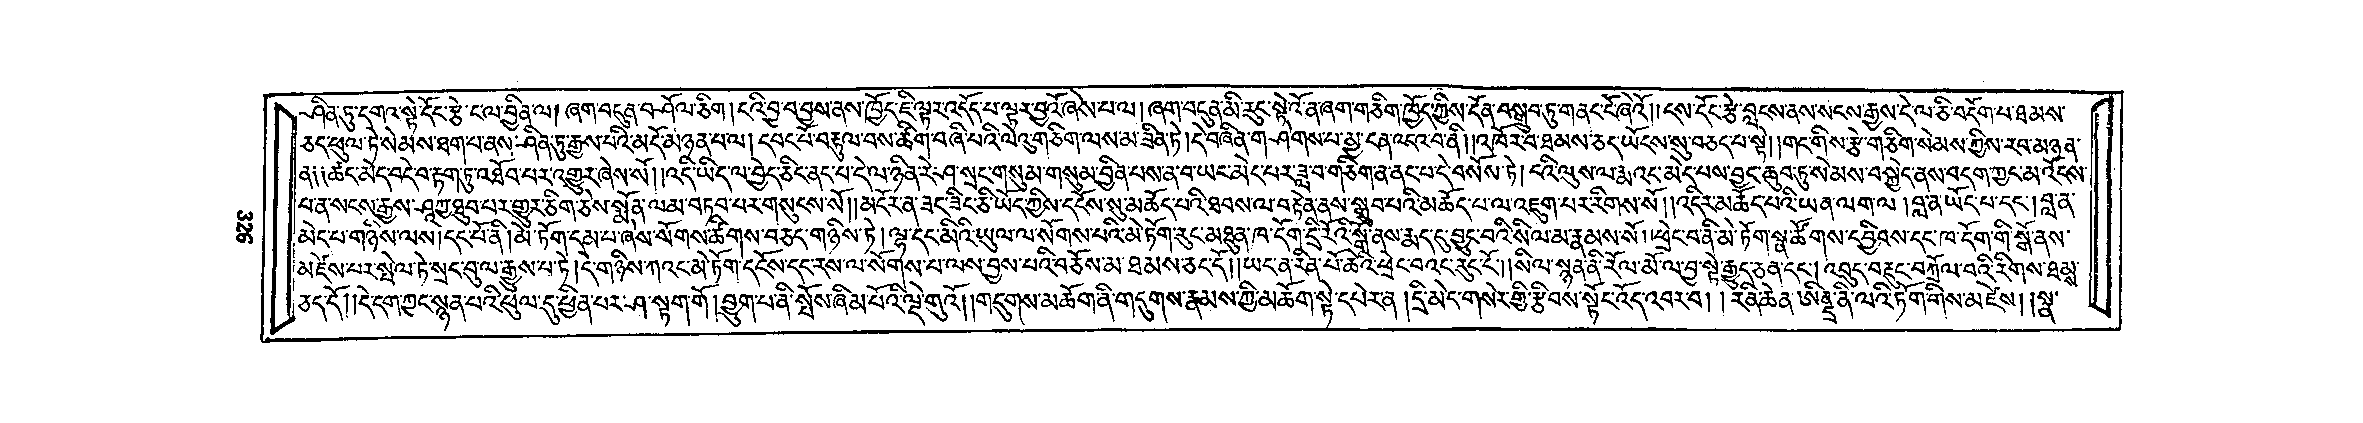ཤིན་ཏུ་དགའ་སྟེ་དོང་རྩེ་ང་ལ་བྱིན་ལ། ཞག་བདུན་བཤོལ་ཅིག །ངའི་བྱ་བ་བྱས་ནས་ཁྱོད་ཇི་ལྟར་འདོད་པ་ལྟར་བྱའོ་ཞེས་པ་ལ། ཞག་བདུན་མི་རུང་སྟེ་འོ་ན་ཞག་གཅིག་ཁྱོད་ཀྱིས་དོན་བསྒྲུབ་ཏུ་གནང་ངོ་ཞེའོ། །དས་དོང་རྩེ་བླངས་ནས་སངས་རྒྱས་དེ་ལ་ཅི་བདོག་པ་ཐམས་
ཅད་ཕུལ་ཏེ་སེམས་ཐག་པ་ནས་ཤིན་ཏུ་རྒྱས་པའི་མདོ་མཉན་པ་ལ། དབང་པོ་བརྟུལ་བས་ཚིག་བཞི་པའི་ལེའུ་གཅིག་ལས་མ་ཟིན་ཏེ། དེ་བཞིན་གཤེགས་པ་མྱ་ངན་འདའ་བ་ནི། །འཁོར་བ་ཐམས་ཅད་ཡོངས་སུ་བཅད་པ་སྟེ། །གང་གིས་རྩེ་གཅིག་སེམས་ཀྱིས་རབ་མཉན་
ན། །ཚད་མེད་བདེ་བ་རྟག་ཏུ་འཐོབ་པར་འགྱུར་ཞེས་སོ། །འདི་ཡིད་ལ་བྱེད་ཅིང་ནད་པ་དེ་ལ་ཉིན་རེ་ཤ་སྲང་གསུམ་གསུམ་བྱིན་པས་ན་བ་ཡང་མེད་པར་ཟླ་བ་གཅིག་ན་ནང་པ་དེ་བསོས་ཏེ། ངའི་ལུས་ལ་རྨའང་མེད་པས་བྱང་ཆུབ་ཏུ་སེམས་བསྐྱེད་ནས་བདག་ཀྱང་མ་འོངས་
པ་ན་སངས་རྒྱས་ཤཱཀྱ་ཐུབ་པར་གྱུར་ཅིག་ཅེས་སྨོན་ལམ་བཏབ་པར་གསུངས་སོ། །མདོར་ན་ཟང་ཟིང་ཅི་ཡོད་ཀྱིས་དངོས་སུ་མཆོད་པའི་ཐབས་ལ་བརྟེན་ནས་སྒྲུབ་པའི་མཆོད་པ་ལ་འཇུག་པར་རིགས་སོ། །འདིར་མཆོད་པའི་ཡན་ལག་ལ། བླ་ན་ཡོད་པ་དང་། བླ་ན་
མེད་པ་གཉིས་ལས། དང་པོ་ནི། མེ་ཏོག་དམ་པ་ཞེས་སོགས་ཚིགས་བཅད་གཉིས་ཏེ། ལྷ་དང་མིའི་ཡུལ་ལ་སོགས་པའི་མེ་ཏོག་རུང་མཐུན་ཁ་དོག་དྲི་རོའི་སྒོ་ནས་རྨད་དུ་བྱུང་བའི་སིལ་མ་རྣམས་སོ། །ཕྲེང་བ་ནི་མེ་ཏོག་སྣ་ཚོགས་དབྱིབས་དང་ཁ་དོག་གི་སྒོ་ནས་
མཛེས་པར་སྤེལ་ཏེ་སྲང་བུ་ལ་རྒྱུས་པ་ཏེ། དེ་གཉིས་ཀའང་མེ་ཏོག་དངོས་དང་རས་ལ་སོགས་པ་ལས་བྱས་པའི་བཅོས་མ་ཐམས་ཅད་དོ། །ཡང་ན་རིན་པོ་ཆེའི་ཕྲེང་བའང་རུང་ངོ། །སིལ་སྙན་ནི་རོལ་མོ་ལ་བྱ་སྟེ་རྒྱུད་ཅན་དང་། འབུད་བརྡུང་བཀྲོལ་བའི་རིགས་ཐམས་
ཅད་དོ། །དེ་དག་ཀྱང་སྙན་པའི་ཕུལ་དུ་ཕྱིན་པར་ཤ་སྟག་གོ །བྱུག་པ་ནི་སྤོས་ཞིམ་པོའི་ལྡེ་གུའོ། །གདུགས་མཆོག་ནི་གདུགས་རྣམས་ཀྱི་མཆོག་སྟེ་དཔེར་ན། དྲི་མེད་གསེར་གྱི་རྩིབས་སྟོང་འོད་འབར་བ། །རིན་ཆེན་ཨིནྡྲ་ནི་ལའི་ཏོག་གིས་མཛེས། །སྣ་